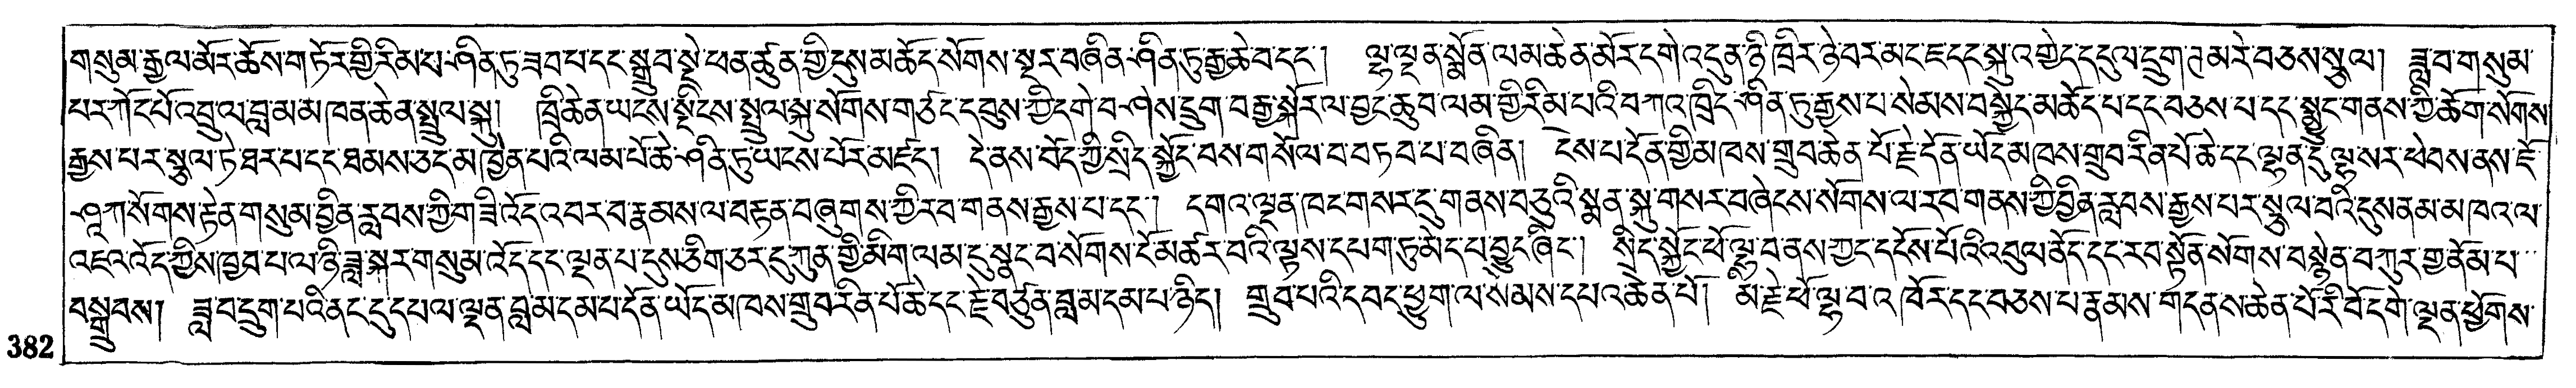གསུམ་རྒྱལ་མོར་ཚེས་གཏོར་གྱི་རིམ་པ་ཤིན་ཏུ་ཟབ་པ་དང་སྒྲུབ་སྡེ་ཕན་ཚུན་གྱི་དུས་མཆོད་སོགས་སྔར་བཞིན་ཤིན་ཏུ་རྒྱ་ཆེ་བ་དང་། ལྷ་ལྡན་སྨོན་ལམ་ཆེན་མོར་དགེ་འདུན་ཉི་ཁྲིར་ཉེ་བར་མང་ཇ་དང་སྐུ་འགྱེད་དངུལ་དྲུག་ཊམ་རེ་བཅས་སྩལ། ཟླ་བ་གསུམ་
བར་ཀོར་པོ་འབྲུ་ལ་བླ་མ་མཁན་ཆེན་སྤྲུལ་སྐུ། ཁྲི་ཆེན་ཡངས་སྡིངས་སྤྲུལ་སྐུ་སོགས་གཙང་དབུས་ཀྱི་དགེ་བཤེས་དྲུག་བརྒྱ་སྐོར་ལ་བྱང་ཆུབ་ལམ་གྱི་རིམ་པའི་བཀའ་ཁྲིད་ཤིན་ཏུ་རྒྱས་པ་སེམས་བསྐྱེད་མཆོད་པ་དང་བཅས་པ་དང་སྨྱུང་གནས་ཀྱི་ཆོ་ག་སོགས་
རྒྱས་པར་སྩལ་ཏེ་ཐར་པ་དང་ཐམས་ཅད་མཁྱེན་པའི་ལམ་པོ་ཆེ་ཤིན་ཏུ་ཡངས་པོར་མཛད། དེ་ནས་བོད་ཀྱི་སྲིད་སྐྱོང་བས་གསོལ་བ་བཏབ་པ་བཞིན། ངེས་པ་དོན་གྱི་མཁས་གྲུབ་ཆེན་པོ་རྗེ་དོན་ཡོད་མཁས་གྲུབ་རིན་པོ་ཆེ་དང་ལྟན་དུ་ལྷ་སར་ཕེབས་ནས་ཇོ་
ཤཱཀ་སོགས་རྟེན་གསུམ་བྱིན་རླབས་ཀྱི་གཟི་འོད་འབར་བ་རྣམས་ལ་བརྟན་བཞུགས་ཀྱི་རབ་གནས་རྒྱས་པ་དང་། དགའ་ལྡན་ཁང་གསར་དུ་གནས་བཅུའི་སྨན་སྐུ་གསར་བཞེངས་སོགས་ལ་རབ་གནས་ཀྱི་བྱིན་རླབས་རྒྱས་པར་སྩལ་བའི་དུས་ནམ་མཁའ་ལ་
འཇའ་འོད་ཀྱིས་ཁྱབ་པ་ལ་ཉི་ཟླ་སྐར་གསུམ་འོད་དང་ལྡན་པ་དུས་ཅིག་ཅར་དུ་ཀུན་གྱི་མིག་ལམ་དུ་སྣང་བ་སོགས་ངོ་མཚར་བའི་ལྟས་དཔག་ཏུ་མེད་པ་བྱུང་ཞིང་། སྲིད་སྐྱོང་ཕོ་ལྷ་བ་ནས་ཀྱང་དངོས་པོའི་འབུལ་ནོད་དང་རབ་སྟོན་སོགས་བསྙེན་བཀུར་གྱ་ནོམ་པ་
བསྒྲུབས། ཟླ་བ་དྲུག་པའི་ནང་དུ་དཔལ་ལྡན་བླ་མ་དམ་པ་དོན་ཡོད་མཁས་གྲུབ་རིན་པོ་ཆེ་དང་རྗེ་བཙུན་བླ་མ་དམ་པ་ཉིད། གྲུབ་པའི་དབང་ཕྱུག་ལོ་སེམས་དཔའ་ཆེན་པོ། མི་རྗེ་ཕོ་ལྷ་བ་འཁོར་དང་བཅས་པ་རྣམས་གདན་ས་ཆེན་པོ་རི་བོ་དགེ་ལྡན་ཕྱོགས་